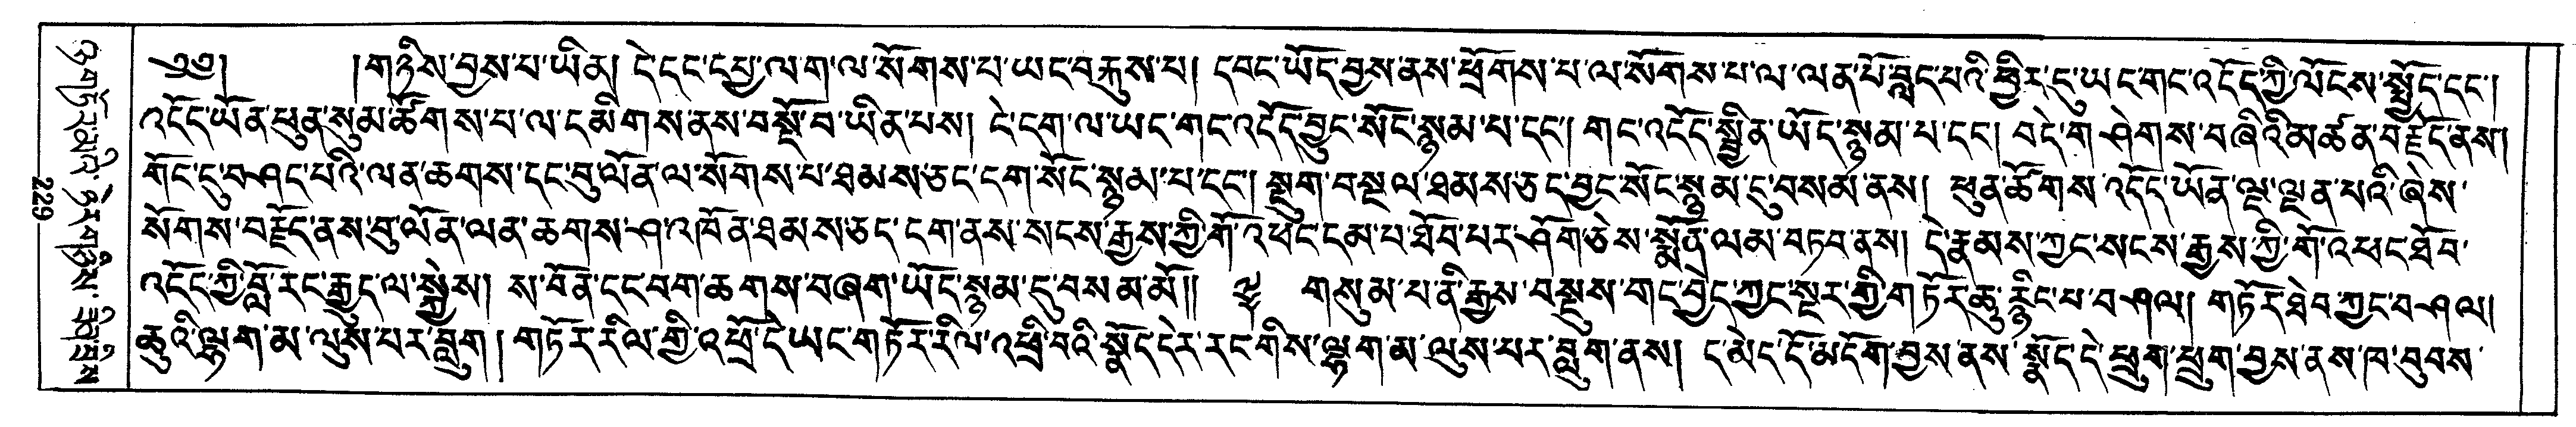༄༅། །གཉིས་བྱས་པ་ཡིན། དེ་དང་དཔྱ་ལག་ལ་སོགས་པ་ཡང་བརྐུས་པ། དབང་ཡོད་བྱས་ནས་ཕྲོགས་པ་ལ་སོགས་པ་ལ་ལན་པོ་བླང་བའི་ཕྱིར་དུ་ཡང་གང་འདོད་ཀྱི་ལོངས་སྤྱོད་དང་།
འདོད་ཡོན་ཕུན་སུམ་ཚོགས་པ་ལ་དམིགས་ནས་བསྔོ་བ་ཡིན་པས། དེ་དག་ལ་ཡང་གང་འདོད་བྱུང་སོང་སྙམ་པ་དང་། གང་འདོད་སྦྱིན་ཡོད་སྙམ་པ་དང་། བདེ་གཤེགས་བཞིའི་མཚན་བརྗོད་ནས།
གོང་དུ་བཤད་པའི་ལན་ཆགས་དང་བུ་ལོན་ལ་སོགས་པ་ཐམས་ཅད་དག་སོང་སྙམ་པ་དང་། སྡུག་བསྔལ་ཐམས་ཅད་བྱང་སོང་སྙམ་དུ་བསམ་ནས། ཕུན་ཚོགས་འདོད་ཡོན་ལྔ་ལྡན་པའི་ཞེས་
སོགས་བརྗོད་ནས་བུ་ལོན་ལན་ཆགས་ཤ་འཁོན་ཐམས་ཅད་དག་ནས་སངས་རྒྱས་ཀྱི་གོ་འཕང་དམ་པ་ཐོབ་པར་ཤོག་ཅེས་སྨོན་ལམ་བཏབ་ནས། དེ་རྣམས་ཀྱང་སངས་རྒྱས་ཀྱི་གོ་འཕང་ཐོབ་
འདོད་ཀྱི་བློ་རང་རྒྱུད་ལ་སྐྱེས། ས་བོན་དང་བག་ཆགས་བཞག་ཡོད་སྙམ་དུ་བསམ་མོ།། ༈ གསུམ་པ་ནི་རྒྱས་བསྡུས་གང་བྱེད་ཀྱང་སྔར་གྱི་གཏོར་ཆུ་རྙིང་པ་བཤལ། གཏོར་ཐེབ་ཀྱང་བཤལ།
ཆུའི་ལྷག་མ་ལུས་པར་བླུག། གཏོར་རིལ་གྱི་འཕྲོ་དེ་ཡང་གཏོར་རིལ་འཕིར་བའི་སྣོད་དེར་རང་གིས་ལྷག་མ་ལུས་པར་བླུག་ནས། ད་མེད་དོ་མདོག་བྱས་ནས་སྣོད་དེ་ཕྲུག་ཕྲུག་བྱས་ནས་ཁ་བུབས་